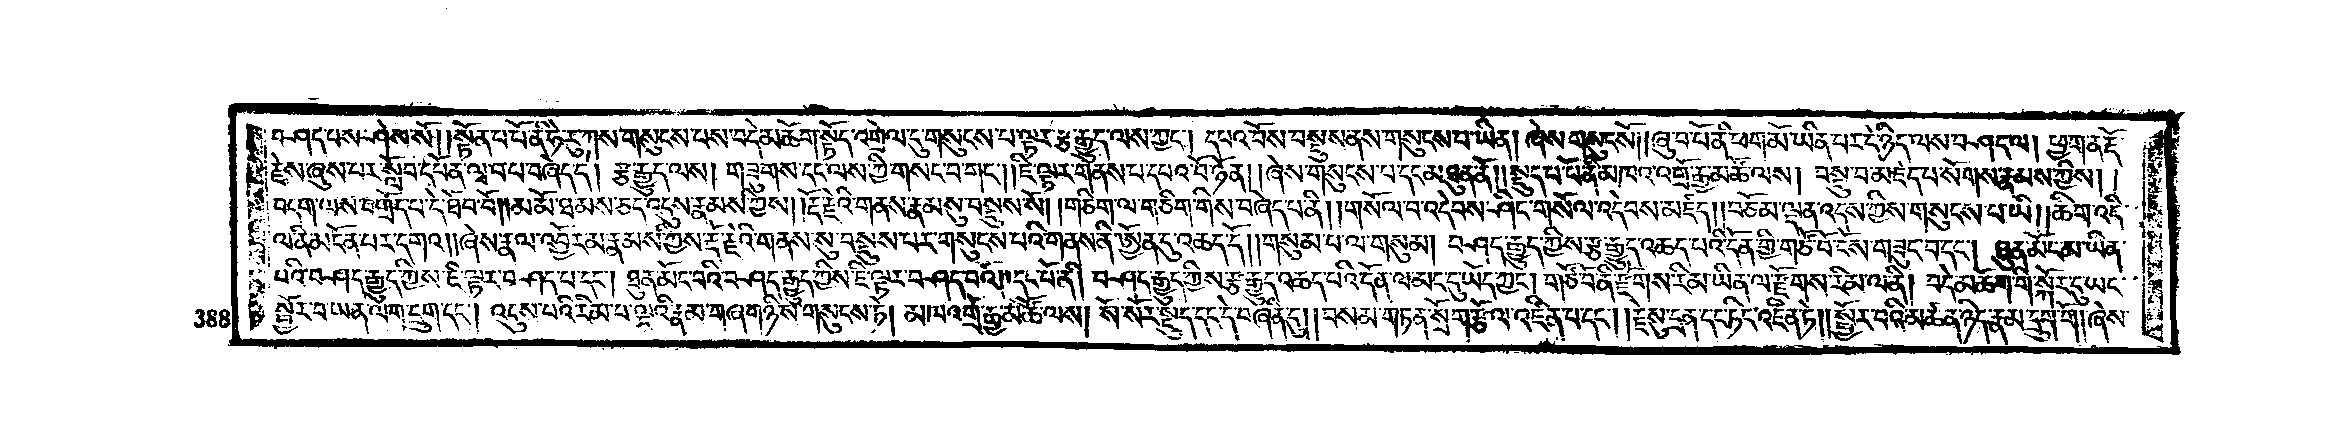བཤད་པས་ཤེས་སོ། །སྟོན་པ་པོ་ནི་ཧེ་རུ་ཀས་གསུངས་པས་བདེ་མཆོག་སྟོད་འགྲེལ་དུ་གསུངས་པ་ལྟར་རྩ་རྒྱུད་ལས་ཀྱང་། དཔའ་བོས་བསྡུས་ནས་གསུངས་པ་ཡིན། ཞེས་གསུངས་སོ། །ཞུ་བ་པོ་ནི་ཕག་མོ་ཡིན་པར་དེ་ཉིད་ལས་བཤད་ལ། ཕྱག་ན་རྡོ་
རྗེས་ཞུས་པར་སློབ་དཔོན་ལྭ་བ་པ་བཞེད་དེ། རྩ་རྒྱུད་ལས། གཟུགས་དང་ལས་ཀྱི་གསང་བ་གང་། །ཇི་ལྟར་གནས་པ་དཔའ་བོ་ཉོན། །ཞེས་གསུངས་པ་དང་མཐུན་ནོ། །སྡུད་པ་པོ་ནི་མཁའ་འགྲོ་རྒྱ་མཚོ་ལས། བསྡུ་བ་མཛད་པ་སོགས་རྣམས་ཀྱིས། །
བདག་ལས་བགྲོད་པ་དེ་ཐོབ་བོ། །མ་མོ་ཐམས་ཅད་འདུས་རྣམས་ཀྱིས། །རྡོ་རྗེའི་གནས་རྣམས་སུ་བསྡུས་སོ། །གཅིག་ལ་གཅིག་གིས་བཞེད་པ་ནི། །གསོལ་བ་འདེབས་ཤིང་གསོལ་འདེབས་མཛད། །བཅོམ་ལྡན་འདས་ཀྱིས་གསུངས་པ་ཡི། །ཚིག་འདི་
ལ་ནི་མངོན་པར་དགའ། །ཞེས་རྣལ་འབྱོར་མ་རྣམས་ཀྱིས་རྡོ་རྗེའི་གནས་སུ་བསྡུས་པར་གསུངས་པའི་གནས་ནི་ཨཡོན་དུ་འཆད་དོ། །གསུམ་པ་ལ་གསུམ། བཤད་རྒྱུད་ཀྱིས་རྩ་རྒྱུད་འཆད་པའི་དོན་གྱི་གཙོ་བོ་ངོས་གཟུང་བ་དང་། ཐུན་མོང་མ་ཡིན་
པའི་བཤད་རྒྱུད་ཀྱིས་ཇི་ལྟར་བཤད་པ་དང་། ཐུན་མོང་བའི་བཤད་རྒྱུད་ཀྱིས་ཇི་ལྟར་བཤད་བའོ། །དང་པོ་ནི། བཤད་རྒྱུད་ཀྱིས་རྩ་རྒྱུད་འཆད་པའི་དོན་ལ་མང་དུ་ཡོད་ཀྱང་། གཙོ་བོ་ནི་རྫོགས་རིམ་ཡིན་ལ་རྫོགས་རིམ་ལ་ནི། བདེ་མཆོག་གི་སྐོར་དུ་ཡང་
སྦྱོར་བ་ཡན་ལག་དྲུག་དང་། འདུས་པའི་རིམ་པ་ལྔའི་རྣམ་གཞག་གཉིས་གསུངས་ཏེ། མཁའ་འགྲོ་རྒྱ་མཚོ་ལས། སོ་སོར་སྡུད་དང་དེ་བཞིན་དུ། །བསམ་གཏན་སྲོག་རྩོལ་འཛིན་པ་དང་། །རྗེས་སུ་དྲན་དང་ཏིང་འཛིན་ཏེ། །སྦྱོར་བའི་མཚན་ཉིད་རྣམ་དྲུག་གོ །ཞེས་